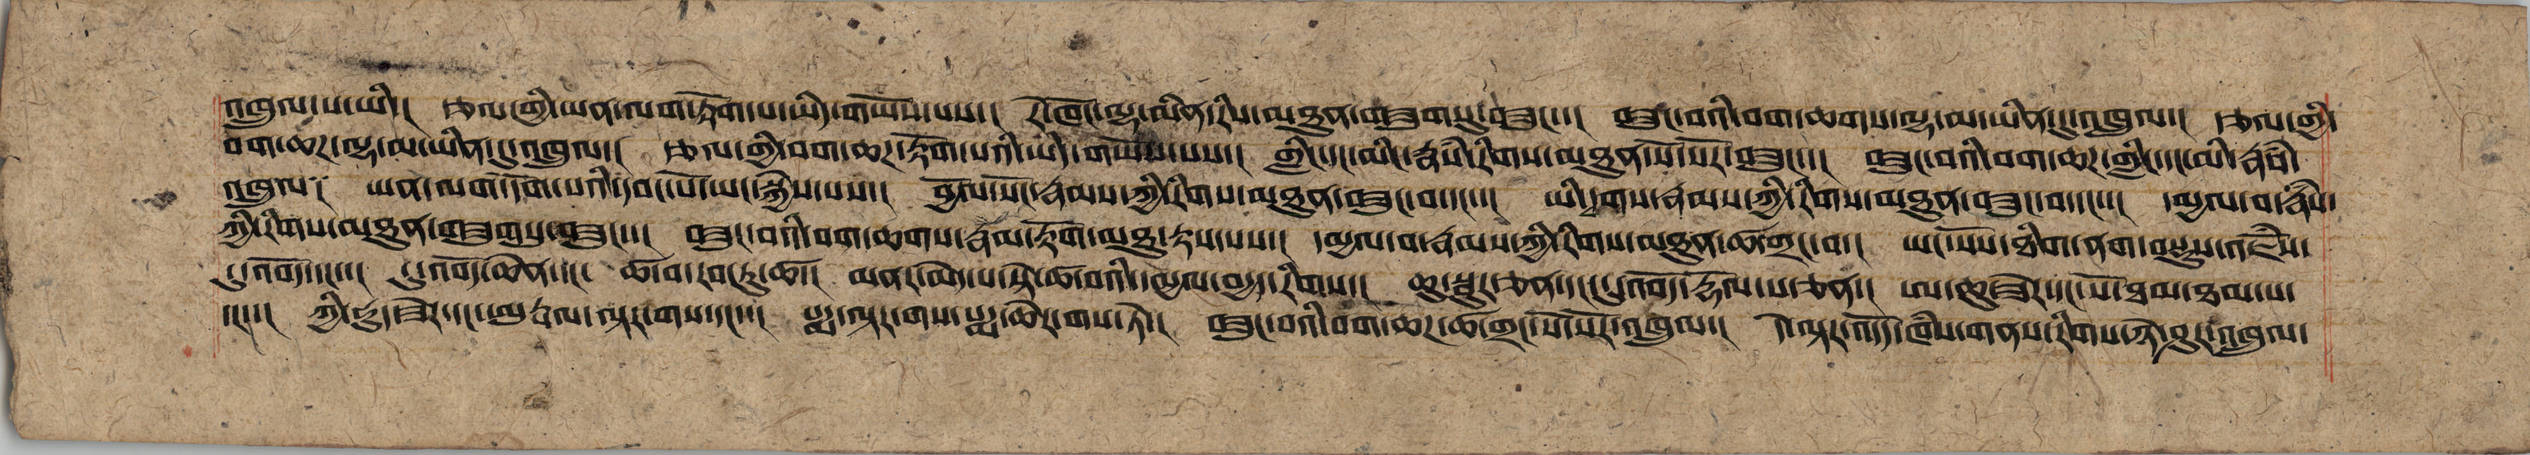འཁྲུལ་པ་ཡི་། རྩལ་གྱི་ཡན་ལག་རྟོག་པ་ཡིད་གཡོས་པས་། རེ་ཁོང་ལྷ་མིན་རིས་མཐུན་གཟུགསུ་བཟུང་་། བཟུང་བའི་བག་ཆགས་ལྷ་མ་ཡིན་དུ་འཁྲུལ་། རྩལ་གྱི་
བག་ཆཌ་ལྷ་མ་ཡིན་དུ་འཁྲུལ་། རྩལ་གྱི་བག་ཆཌ་རྟོག་པའི་ཡིད་གཡོས་པས་། གླིང་དང་མིང་རྣཾས་རིགས་མཐུན་སོ་སོར་བཟུང་་། བཟུང་བའི་བག་ཆཌ་གླིང་དང་མི་རྣཾས་
འཁྲུལ༑ ཡན་ལག་དོག་པའི་དབང་པོ་ཡང་སྐྱེས་པས་། བྱོལ་སོང་རྣམས་ཀྱི་རིགས་མཐུན་བཟུང་བ་དང་་་། ཡི་དྭགས་རྣམས་ཀྱི་རིགས་མཐུན་བཟུང་བ་དང་་། དམྱལ་བ་རྣཾས་
ཀྱི་རིགས་མཐུན་གཟུགསུ་བཟུང་་། བཟུང་བའི་བག་ཆགས་རྣམ་རྟོག་མཐུ་རྟས་པས་། དམྱལ་བ་རྣམས་ཀྱི་རིགས་མཐུན་ཚ་གྲང་བ་། ཡང་སོས་ཐིག་ནག་བསྡུས་འཇོཾས་
ངུ་འབོད་དང་་། ངུ་འབོད་ཆེན་དང་། ཚ་བ་རབ་ཏུ་ཚ་། མནར་མེད་པ་སྟེ་ཚ་བའི་དམྱལ་བདྱད་རིགས་། ཆུ་སྦུར་ཅན་དང་ངུ་འབོད་རྡོལ་པ་ཅན་། ཨ་ཆུ་ཟེར་དང་སོ་ཐམ་ཐམ་པ་
དང་་། ཀྱི་ཧུད་ཟེར་དང་ཨུཏྤལ་ལྟར་གས་དང་་། པདྨ་ལྟར་གས་པདྨ་ཆེར་གས་ཏེ་། བཟུང་བའི་བག་ཆཌ་ཚ་གྲང་སོ་སོར་འཁྲུལ་། དེ་ལྟར་འདོད་ཁཾས་གནས་རིགས་ཉེ་ཤུར་འཁྲུལ་